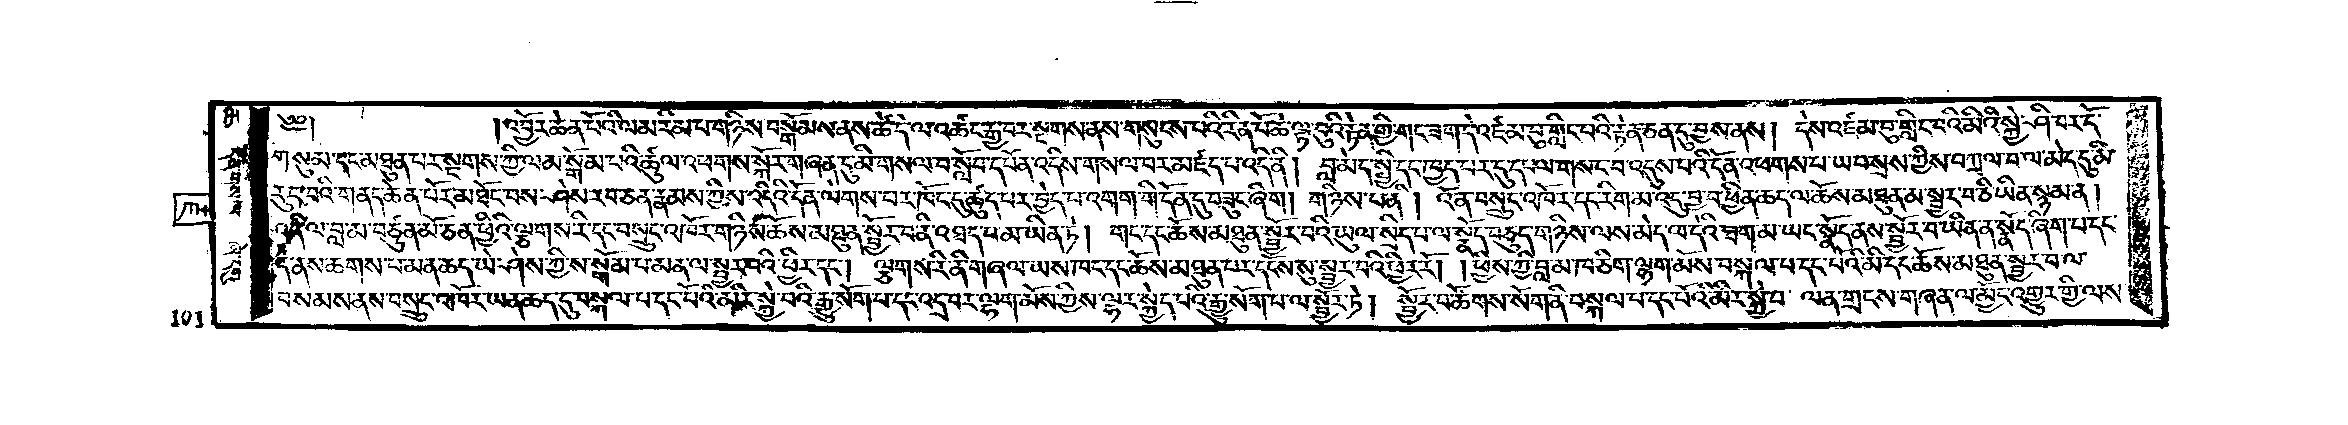༄༅། །འབྱོར་ཆེན་པོའི་ལམ་རིམ་པ་གཉིས་བསྒོམས་ནས་ཚེ་དེ་ལ་འཚང་རྒྱ་བར་སྔགས་ནས་གསུངས་པའི་རིན་པོ་ཆེ་ལྟ་བུའི་རྟེན་གྱི་གང་ཟག་དེ་འཛམ་བུ་གླིང་པའི་རྟེན་ཅན་དུ་བྱས་ནས། དེས་འཛམ་བུ་གླིང་བའི་མིའི་སྐྱེ་ཤི་བར་དོ་
གསུམ་དང་མཐུན་པར་སྔགས་ཀྱི་ལམ་སྒོམ་པའི་ཚུལ་འཕགས་སྐོར་གཞན་དུ་མི་གསལ་བ་སློབ་དཔོན་འདིས་གསལ་བར་མཛད་པ་འདི་ནི། བླ་མེད་སྤྱི་དང་ཁྱད་པར་དུ་དཔལ་གསང་བ་འདུས་པའི་དོན་འཕགས་པ་ཡབ་སྲས་ཀྱིས་བཀྲལ་བ་ལ་མེད་དུ་མི་
རུང་བའི་གནད་ཆེན་པོར་མཐོང་བས་ཤེས་རབ་ཅན་རྣམས་ཀྱིས་འདིའི་དོན་ལེགས་པར་ཁོང་དུ་ཚུད་པར་བྱེད་པ་འགག་གི་དོན་དུ་བཟུང་ཞིག །གཉིས་པ་ནི། འོ་ན་བསྲུང་འཁོར་དང་རིག་མ་འདུ་བྱ་བ་ཕྱིན་ཆད་ལ་ཆོས་མཐུན་མ་སྦྱར་བ་ཅི་ཡིན་སྙམ་ན།
འདི་ལ་བླ་མ་བཙུན་མོ་ཅན་ཕྱིའི་ལྕགས་རི་དང་བསྲུང་འཁོར་གཉིས་ཆོས་མཐུན་སྦྱོར་བ་ནི་འཐད་པ་མ་ཡིན་ཏེ། གང་དང་ཆོས་མཐུན་སྦྱོར་བའི་ཡུལ་སྲིད་པ་ལ་སྣོད་བཅུད་གཉིས་ལས་མེད་ལ་དེའི་ཐོག་མ་ཡང་སྣོད་ནས་སྦྱོར་བ་ཡིན་ན་སྣོད་ཞིག་པ་དང་
དེ་ནས་ཆགས་པ་མན་ཆད་ཡེ་ཤེས་ཀྱི་ས་སྒོམ་པ་མན་ལ་སྦྱར་བའི་ཕྱིར་དང་། ལྕགས་རི་ནི་གཞལ་ཡས་ཁང་དང་ཆོས་མཐུན་པར་དངོས་སུ་སྦྱར་བའི་ཕྱིར་རོ། །ཕྱིས་ཀྱི་བླ་མ་ཁ་ཅིག་ལྷག་མོས་བསྐལ་པ་དང་པོའི་མི་དང་ཆོས་མཐུན་སྦྱར་བ་ལ་
བསམས་ནས་བསྲུང་འཁོར་ཡན་ཆད་དུ་བསྐལ་པ་དང་པོའི་མིར་སྐྱེ་བའི་རྒྱུ་སོག་པ་དང་འདྲ་བར་ལྷག་མོས་ཀྱིས་ལྷར་སྐྱེད་པའི་རྒྱུ་སོག་པ་ལ་སྦྱོར་ཏེ། སྦྱོར་བ་ཚོགས་སོག་ནི་བསྐལ་པ་དང་པོའི་མིར་སྐྱེ་བར་ལན་གྲངས་གཞན་ལ་མྱོང་འགྱུར་གྱི་ལས་